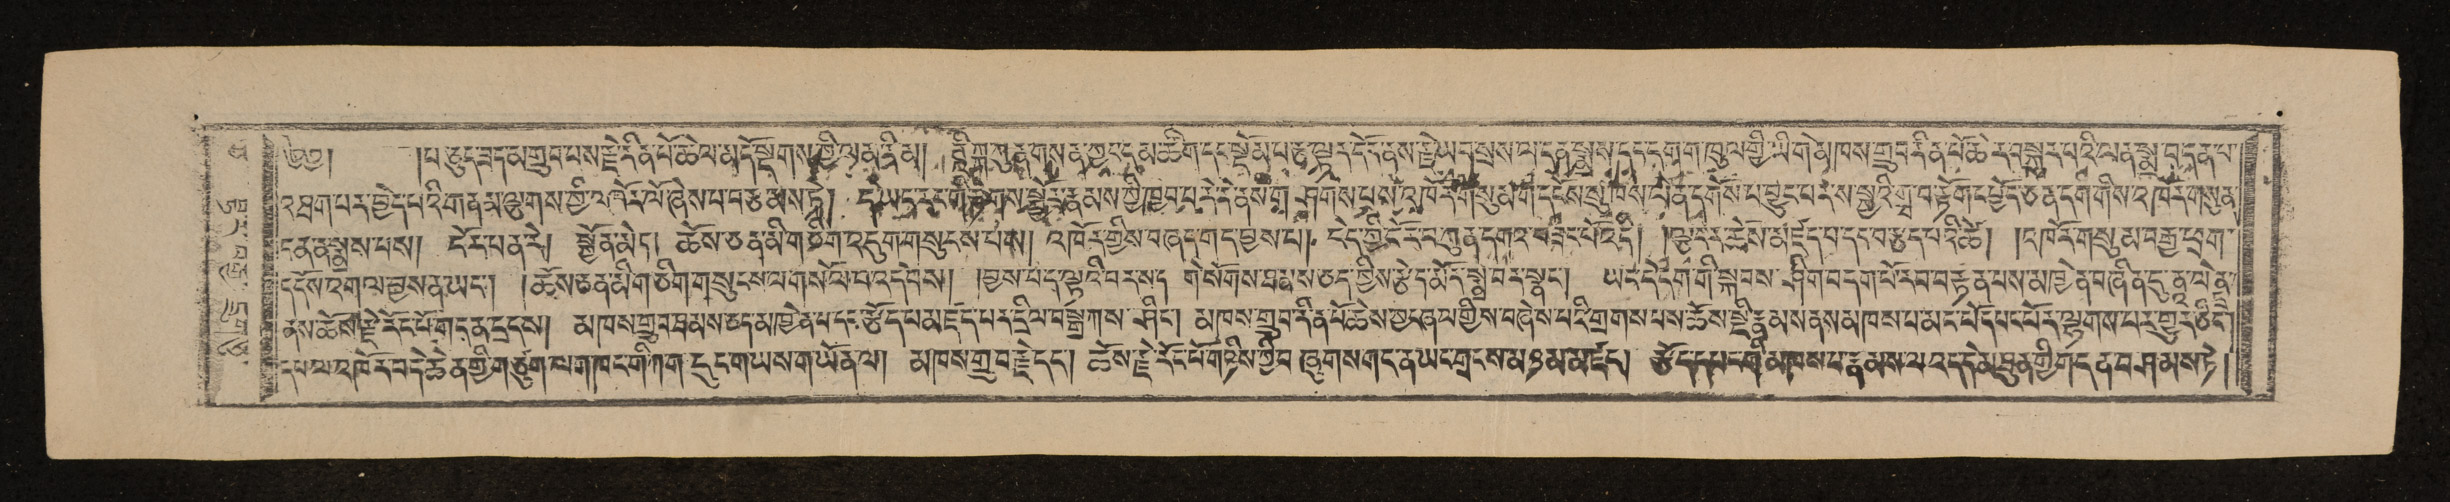༄༅། །པ་ཅུང་ཟད་མ་གྲུབ་པས་རྗེ་རིན་པོ་ཆེ་ལ་མདོ་སྔགས་ཀྱི་ལམ་རིམ། ཊཱིཀྐ་ཀུན་གསན་ཀྱང་དམ་ཚིག་དང་སྡོམ་པ་རྩ་ལྟར་དོར་ནས་རྗེ་ཡབ་སྲས་ལ་ངན་སྨྲས་དང་དགག་ཁུལ་གྱི་ཡི་གེ་མཁས་གྲུབ་རིན་པོ་ཆེར་བསྐུར་བའི་ལན་སྨྲ་བ་ངན་པ།
འཐག་པར་བྱེད་པའི་གནམ་ལྕགས་ཀྱི་འཁོར་ལོ་ཞེས་པ་བརྩམས་ཏེ། དེ་ཡང་རང་གི་རྟགས་སྦྱོར་རྣམས་ཀྱི་ཁྱབ་པ་རེ་རེ་ནས་གཤགས་པས་འཁོར་གསུམ་ག་དངོས་སུ་ཁས་ལེན་དགོས་པ་བྱུང་བར་ས་སྐྱའི་གྲྭ་བརྟོག་དཔྱོད་ཅན་དག་གིས་འཁོར་གསུམ་
ངན་ན་སྨྲས་པས། ངོར་པ་ན་རེ། སྐྱོན་མེད། ཆོས་ཅན་མི་གཅིག་འདུག་གསུངས་པས། འཁོར་གྱིས་བཞད་གད་བྱས་པ། ངེད་ཀྱི་ངོར་པ་ཀུན་དགའ་བཟང་པོ་འདི། །ལྕང་ར་ཆོས་མཛད་བ་དང་བརྩད་པའི་ཚེ། །འཁོར་གསུམ་བརྒྱ་ཕྲག་
དངོས་འགལ་བྱས་ན་ཡང་། །ཆོས་ཅན་མི་གཅིག་གསུངས་ལ་གསོལ་བ་འདེབས། །བྱས་པ་ད་ལྟའི་བར་ས་དགེ་སོགས་ཐམས་ཅད་ཀྱིས་རྩེད་མོར་སྨྲ་བར་སྣང་། ཡང་དེ་དག་གི་སྐབས་ཤིག་བདག་པོར་བ་བརྟན་པས་མཁྱེན་བཞིན་དུ་ནཱ་ལེནྡྲ་
ནས་ཆོས་རྗེ་རོང་པོ་གདན་དྲངས། མཁས་གྲུབ་ཐམས་ཅད་མཁྱེན་པ་དང་རྩོད་པ་མཛད་པར་དྲིལ་བསྒྲགས་ཤིང་། མཁས་གྲུབ་རིན་པོ་ཆེས་ཀྱང་ཞལ་གྱིས་བཞེས་པའི་གྲགས་པས་ཆོས་སྡེ་རྣམས་ནས་མཁས་པ་མང་པོ་དབང་པོར་ལྷགས་པར་གྱུར་ཅིང་།
དཔལ་འཁོར་བདེ་ཆེན་གྱི་གཙུག་ལག་ཁང་གི་ཀ་གདུང་གཡས་གཡོན་ལ། མཁས་གྲུབ་རྗེ་དང་། ཆོས་རྗེ་རོང་པོ་གཉིས་ཀྱི་བཞུགས་གདན་ཡང་གྲངས་མཉམ་མཛད། རྩོད་དཔང་གི་མཁས་པ་རྣམས་ལའང་དེ་མཐུན་གྱི་གདན་བཤམས་ཏེ།